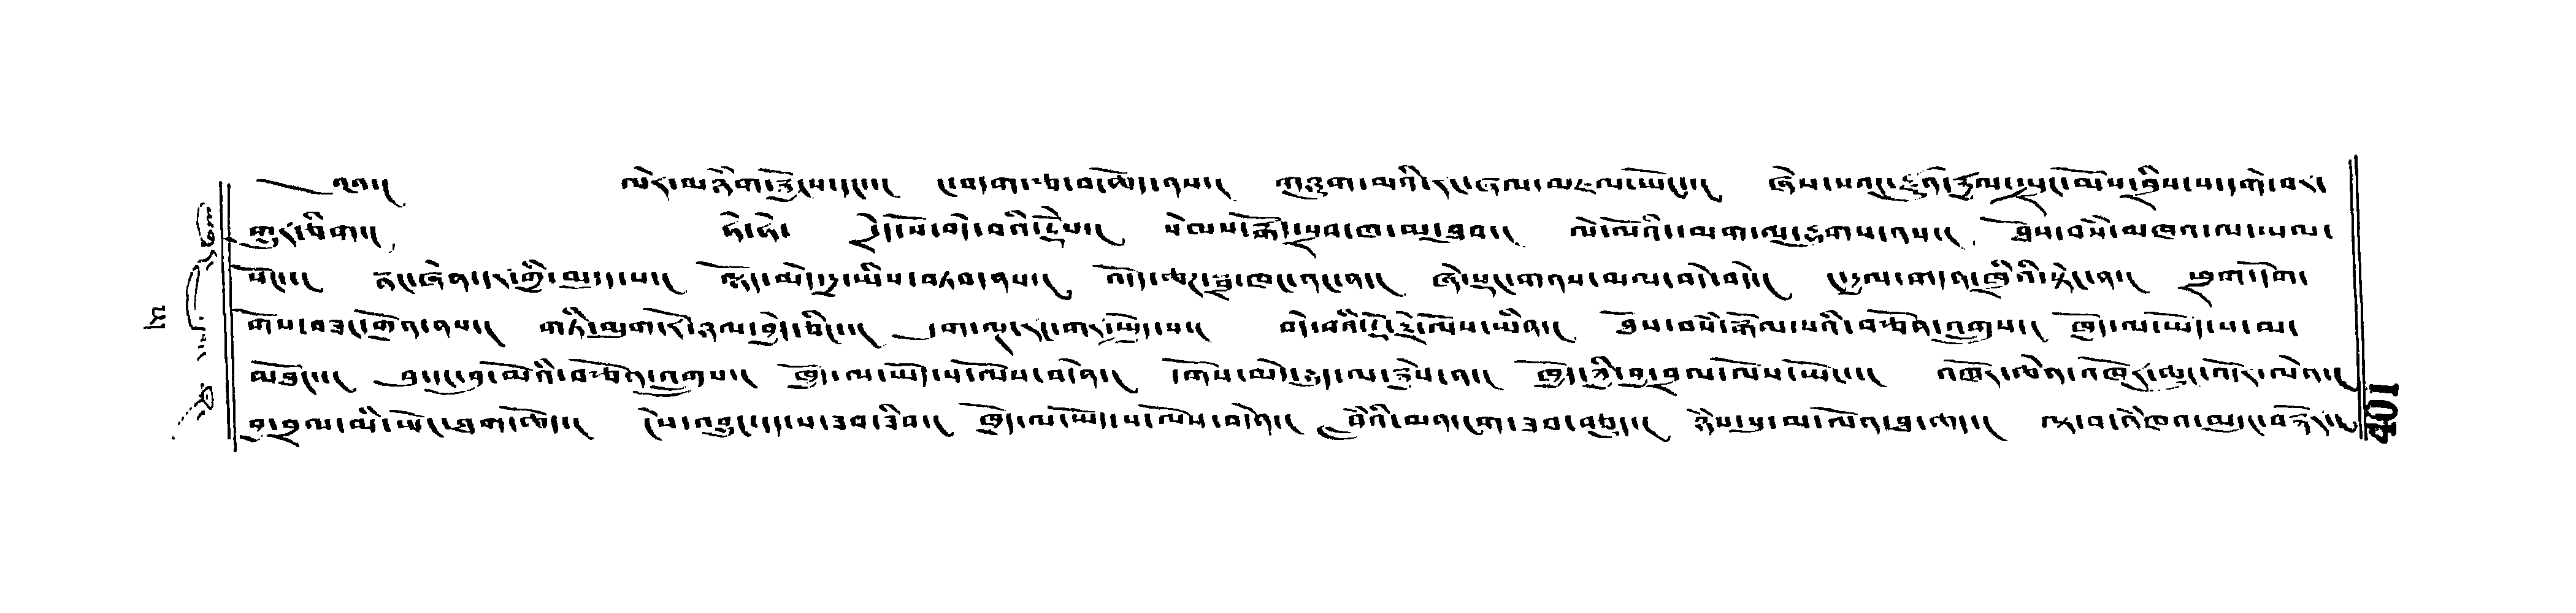ལེར་མཉམ་བཞག་སྐྱོངས་དང་། །ང་བདག་རྩ་བ་ཆོད་ནས། །གཉུག་མའི་རང་ཞལ་མཇལ་ཡོང་། ཞེས་པའང་རྫུན་རྐྱལ་སྤྲང་མོས་བྲིས་པ་དགེ་བར་
གྱུར་ཅིག ཧེ་ཧེ། དྲེད་པོ་བདེ་བའི་རྡོ་རྗེས། །སེམས་རྒོད་སྲབ་ཁ་མ་ཐུབ། །ལེ་ལོའི་དམག་ལ་རྒྱུགས་ནས། །ཐོས་བསམ་མཁའ་ལ་ཡལ་
སོང་། །སྣང་ཞེན་དར་གྱི་མདུད་པ། །ལྷོད་མེད་རྒྱ་ཡིས་བཏབ་ནས། །འདོད་ཆགས་སྦྲ་ཁང་ནང་ན། །སཞེ་སྡང་གནས་མལ་བདེ་བདེ། །ང་རྒྱལ་གདན་ཁྲིའི་སྟེང་ན། །ཕྲག་དོག་
གོས་བཟང་གྱོན་ནས། །གཏི་མུག་རོ་ཉལ་བྱེད་ཅིང་། །དུག་ལྔ་རང་གར་སྤྱོད་པ། །བདེ་བའི་རྡོ་རྗེ་ལོས་ཡིན། །ཐོས་བསམ་སྒོམ་པའི་བརྩོན་འགྲུས། ཁྱོད་ལ་ཡོད་པ་མ་
མཐོང་། །བུ་དང་བུ་མོའི་བརྩོན་འགྲུས། ཁྱོད་ལ་ཡོད་པ་ལོས་བདེན། །དགོས་མེད་རྒྱུད་ལ་སྐྱེས་ན། ཁྱོད་ཀྱི་བྱ་བྲལ་ལོས་ཡོང་། །འཁོར་ཆེན་འཁོར་ཆུང་འདོར་ལེན། །
བྱ་བྲལ་མི་ཡོང་ཐག་ཆོད། །ངེས་འབྱུང་དད་པ་ཟབ་ཟིབ།ཁྱོད་ལ་ཡོད་པ་ལོས་བདེན། །བླ་མའི་མན་ངག་ཟབ་བཅུད། །ཉམས་སུ་མ་ལོན་ཐ་ཆད། །ལྟ་བ་ནམ་མཁའ་མདུང་བསྐོར།